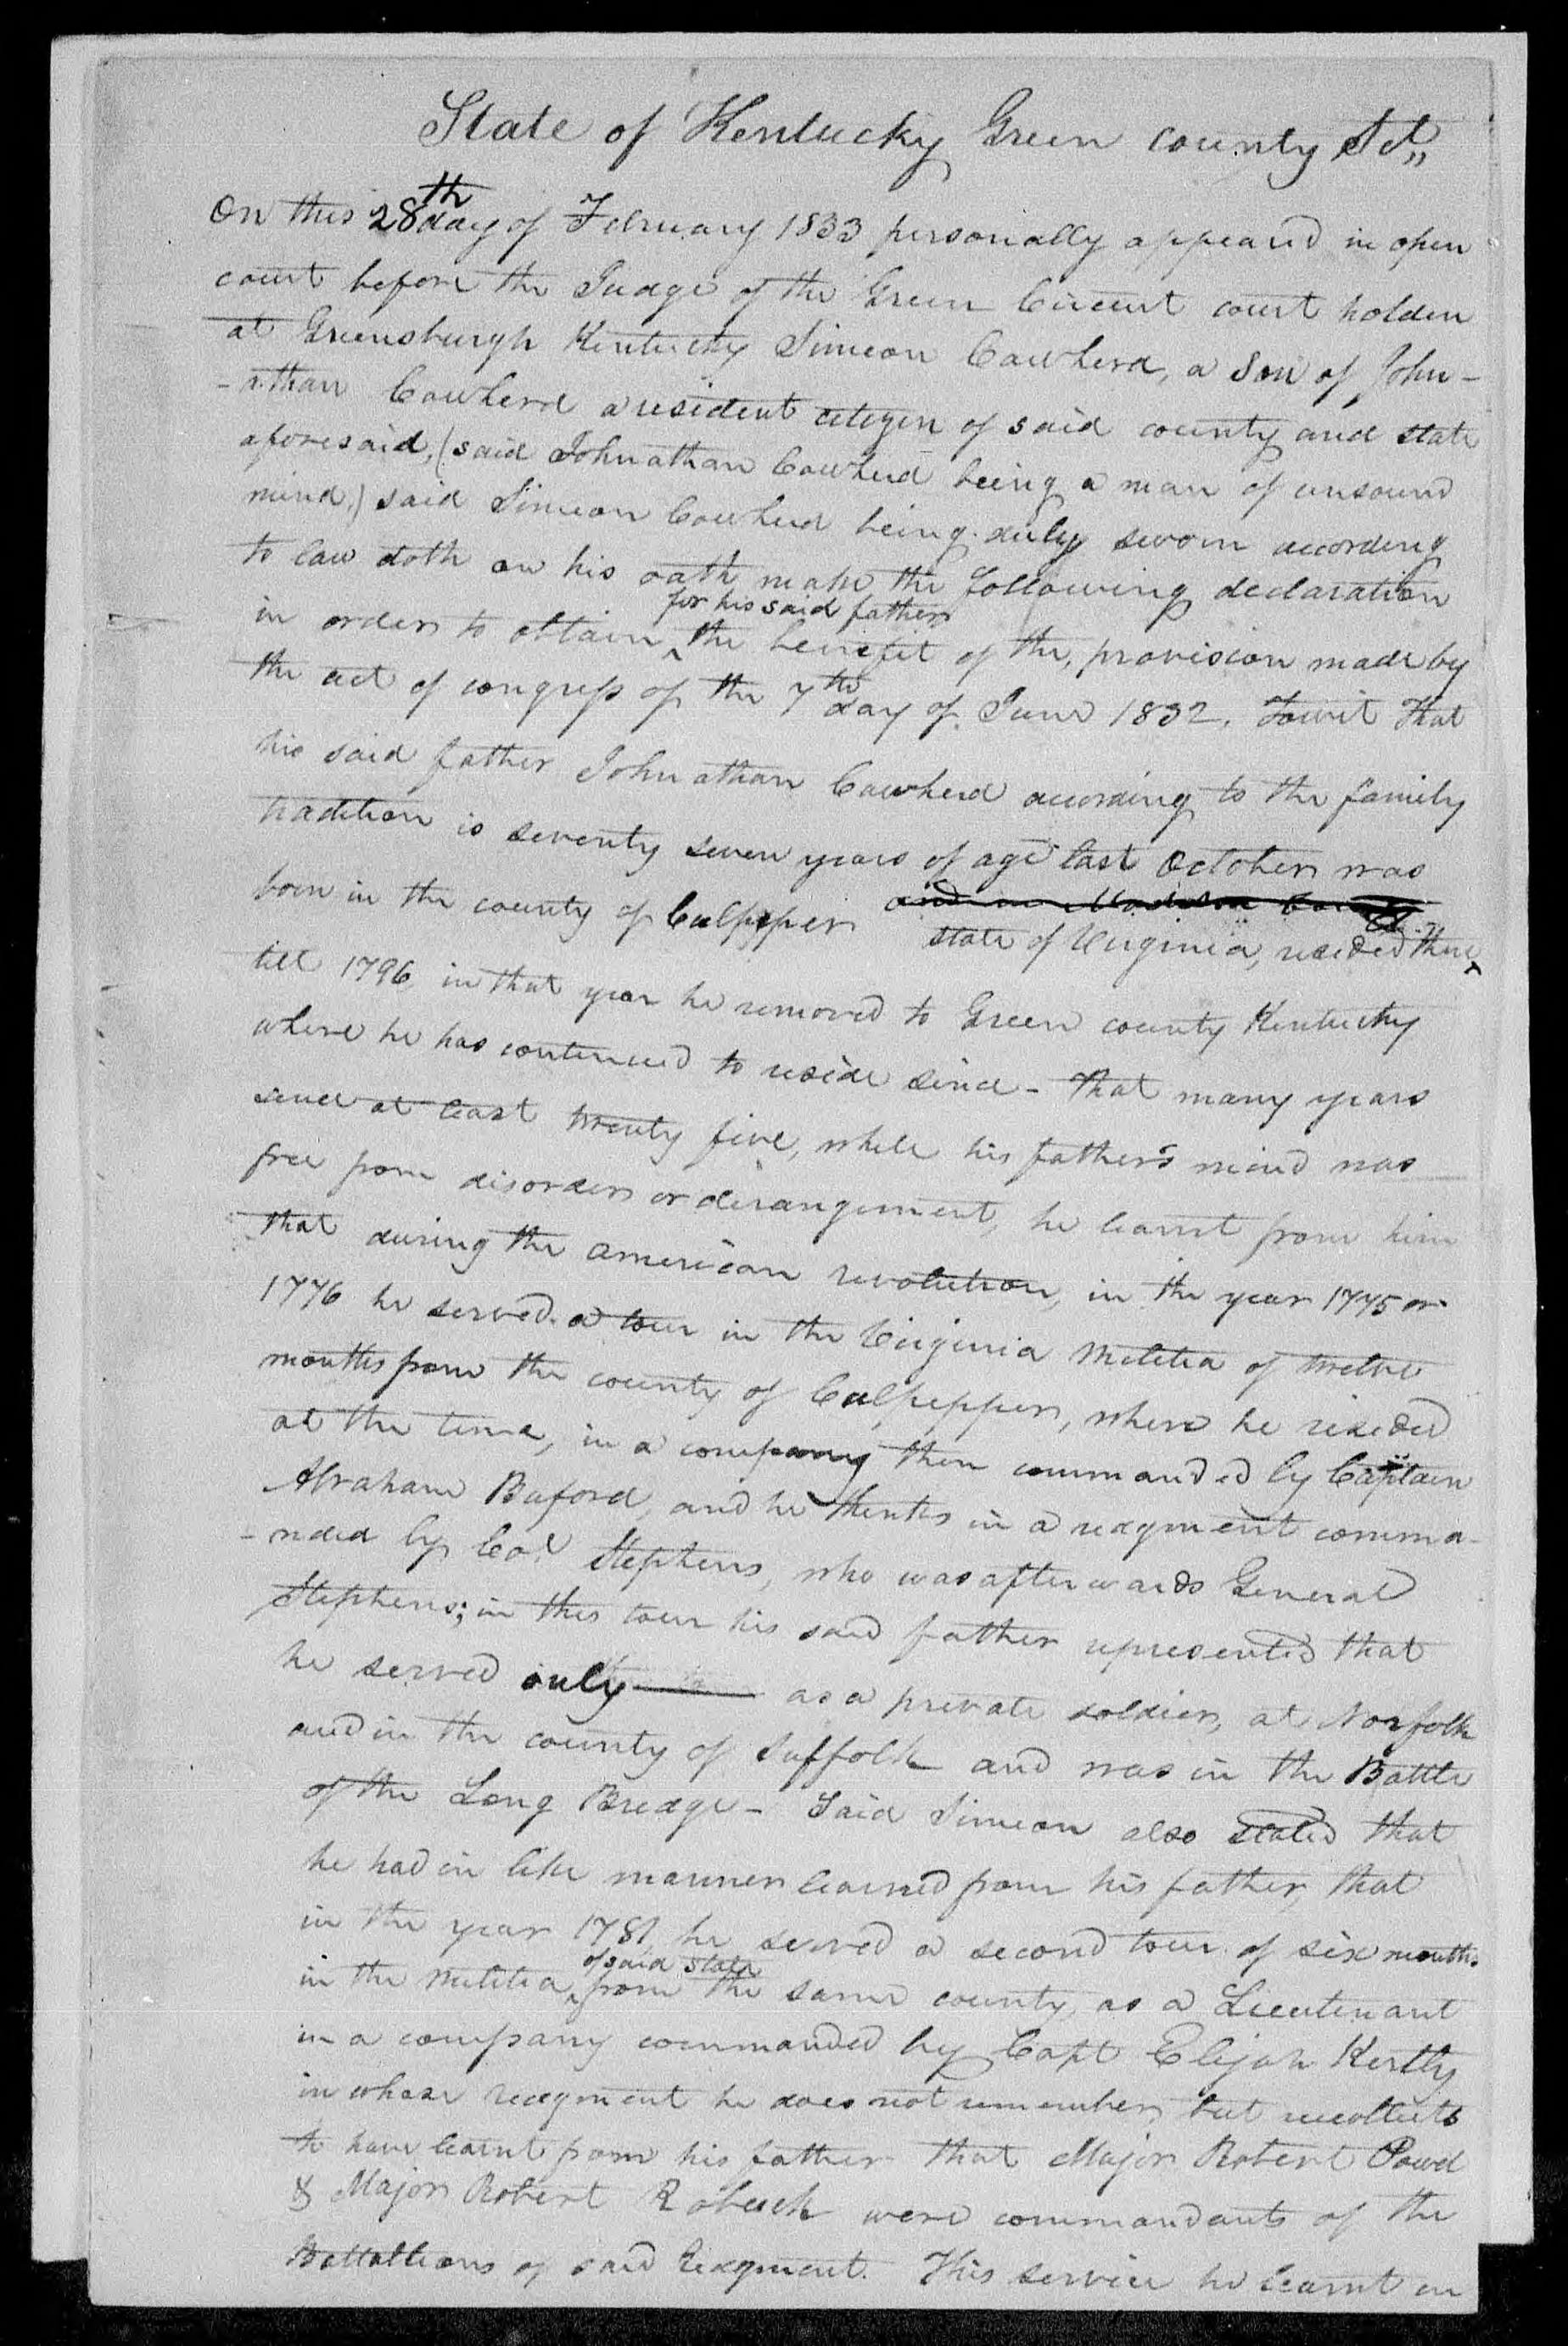State of Kentucky Green County  Sd
On this 28th day of February 1833, personally appeared in open court before the Judge of the  Green Circuit court holden at Greensburgh Kentucky Simeon Cowherd, a Son of Johnathan Cowherd a resident citizen of said county and state aforesaid, (said Johnathan Cowherd being a man of unsound mind), said Simeon Cowherd being duly sworn according to law doth on his oath make the following declaration in order to attain for his said father the benefit of the provision made by the act of congress of the 7th day of June 1832.  Towit that his said father Johnathan Cowherd according to the family tradition is seventy seven years of age last October  was born in the county of Culpepper and state of Virginia, resided there til 1796, in that year he removed to Green county Kentucky where he has continued to reside since - that many years since at least twenty five, while his father's mind  not free from disorder or derangement, he cannot from him that during the American Revolution, in the year 1775 or 1776 he served a tour in the Virginia Militia of twelve months from the county of Culpepper, where he resided at the time, in a company then commanded by Captain Abraham Buford, and he thinks in a regiment commanded by Col Stephens, who was afterwards General Stephens; in this tour his own father represented that he served only as a private soldier, at Norfolk and in the county of Suffolk and was in the Battle of the Long Bridge - Said Simeon also states that he had in like manner learned from his father that in the year 1781, he served a second tour of six months in the Militia of said state from the same county as a Lieutenant in a company commanded by Capt Elijah Kertly in whose regiment he does not remember but recollected to have learnt from his father that Major Robert Powel & Major Robert Robuck were commandants of the Battalions of said regiments. This service he learnt in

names: Robert Robuck, Simeon, Elijah Kertly, Johnathan Cowherd, Robert Powel, Simeon Cowherd, Johnathan Cowherd, Stephens, Abraham Buford, Simeon Cowherd, Johnathan Cowherd, Stephens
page: 4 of 46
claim: widow's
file: W 8619, Jonathan Cowherd, Va.